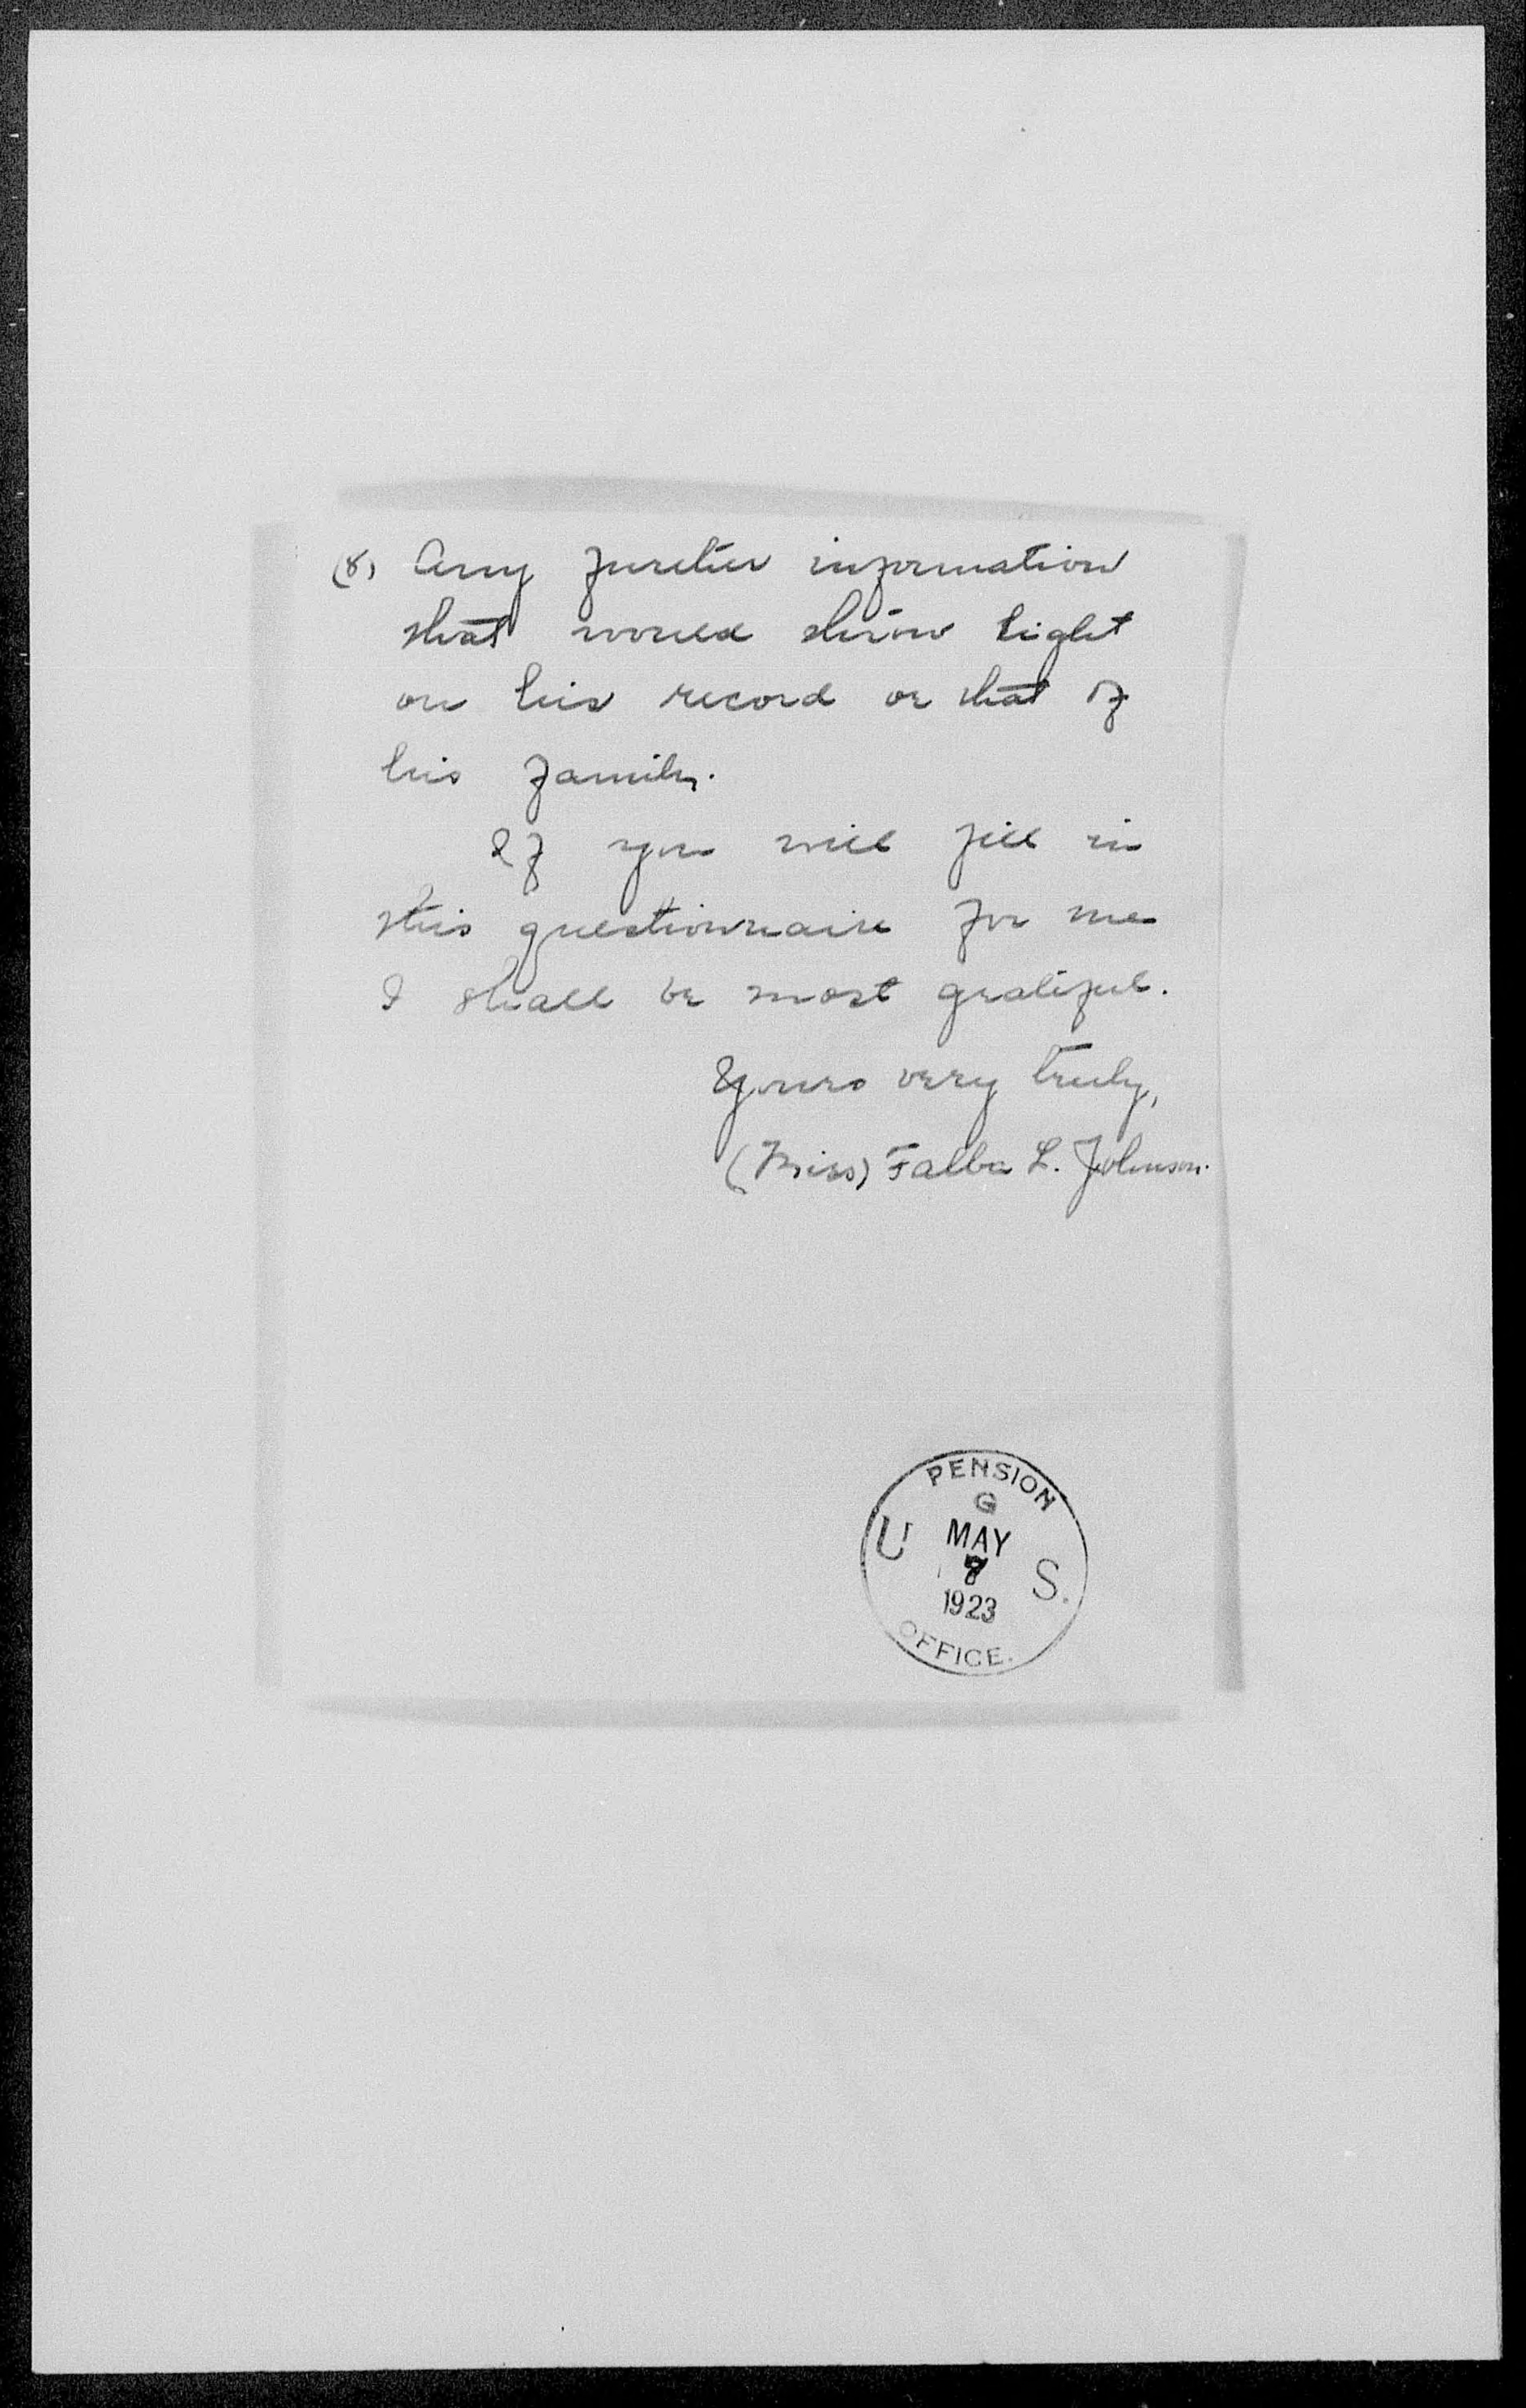8. Any further information 
   that would throw light 
   on his record or that of 
   his family.

If you will fill in this questionnaire for me 
I shall be most grateful.

Yours very truly,
(Miss) Falba L. Johnson

[Stamped in bottom right]
US PENSION OFFICE
G
MAY 7 1923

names: Falba L Johnson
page: 34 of 35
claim: survivor's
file: S. 32092, Asa Alexander, Ga.